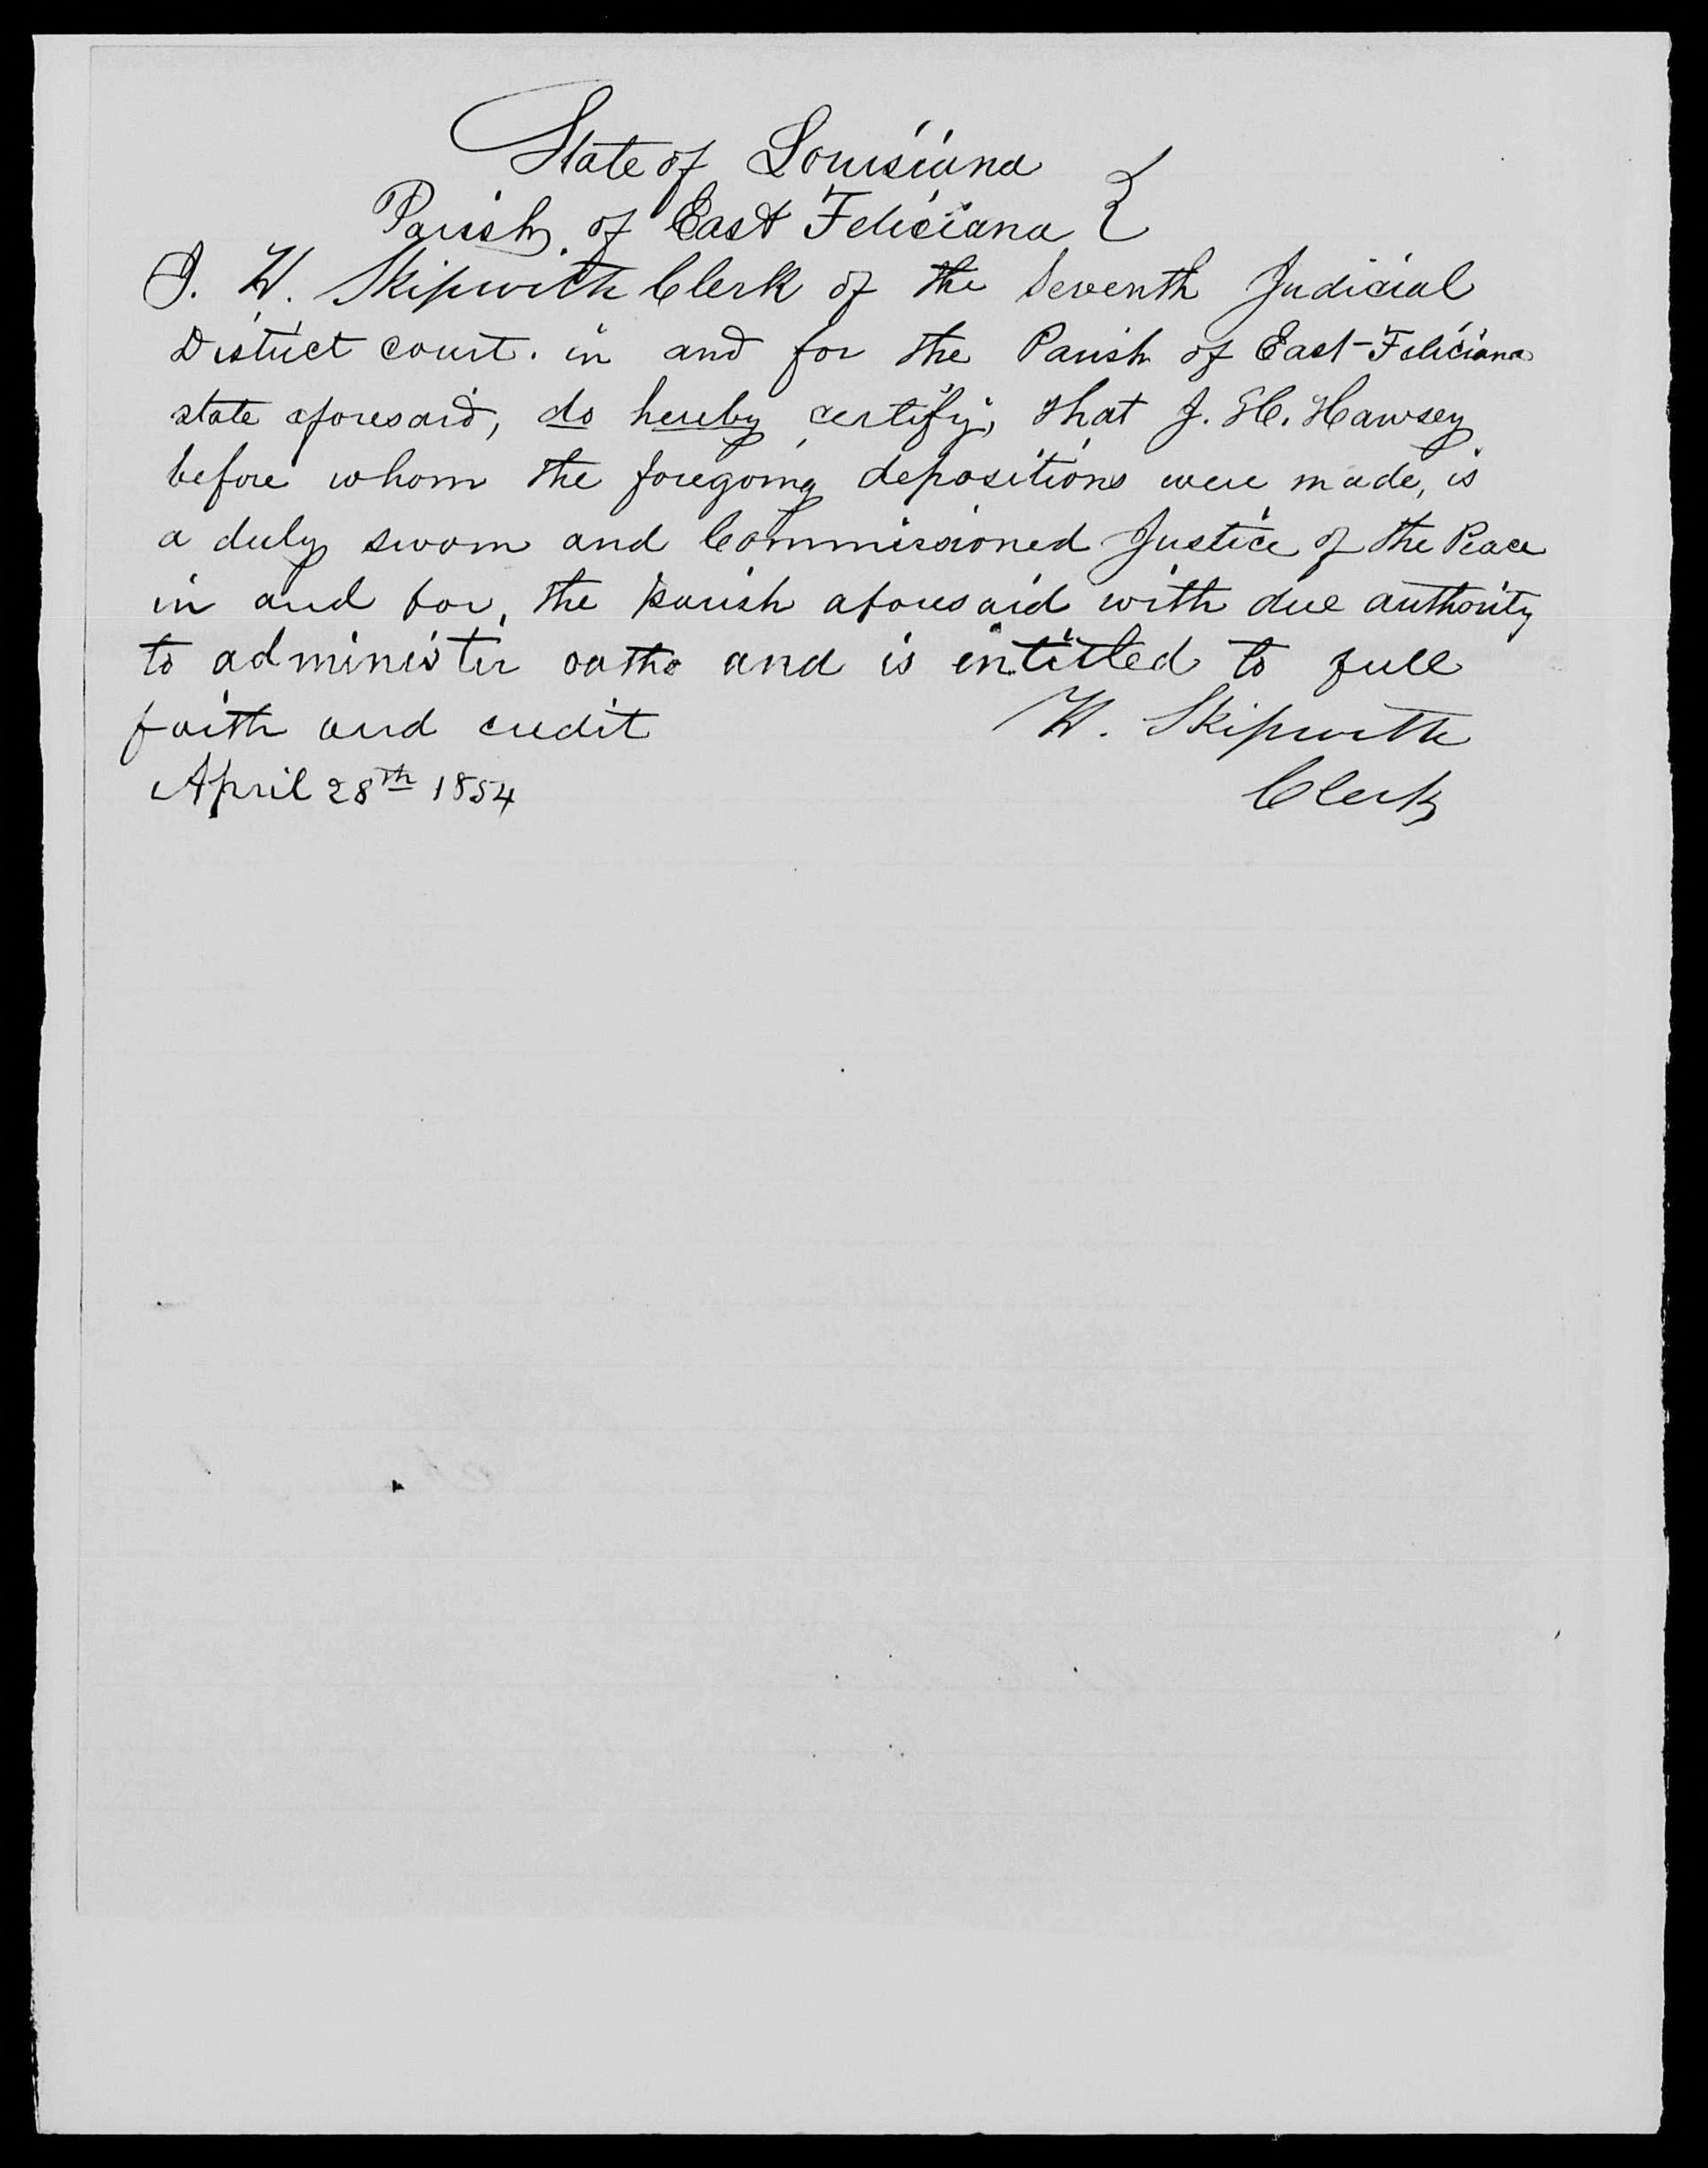State of Louisiana
Parish of East Feliciana
J. W. Skipwith Clerk of the Seventh Judicial
District Court in and for the Parish of East Feliciana
State aforesaid, do hereby certify, that J. H. Hawley
before whom the foregoing depositions were made, is
duly sworn and Commissioned Justice of the Peace
in and for, the parish aforesaid with due authority
to administer oaths and is entitled to faith and credit
April 28th 1854

H. Skipwith
Clerk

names: H Skipwith, J H Hawsey, H Skipwith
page: 47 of 48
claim: rejected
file: R. 2173, James P Collins, S. C.